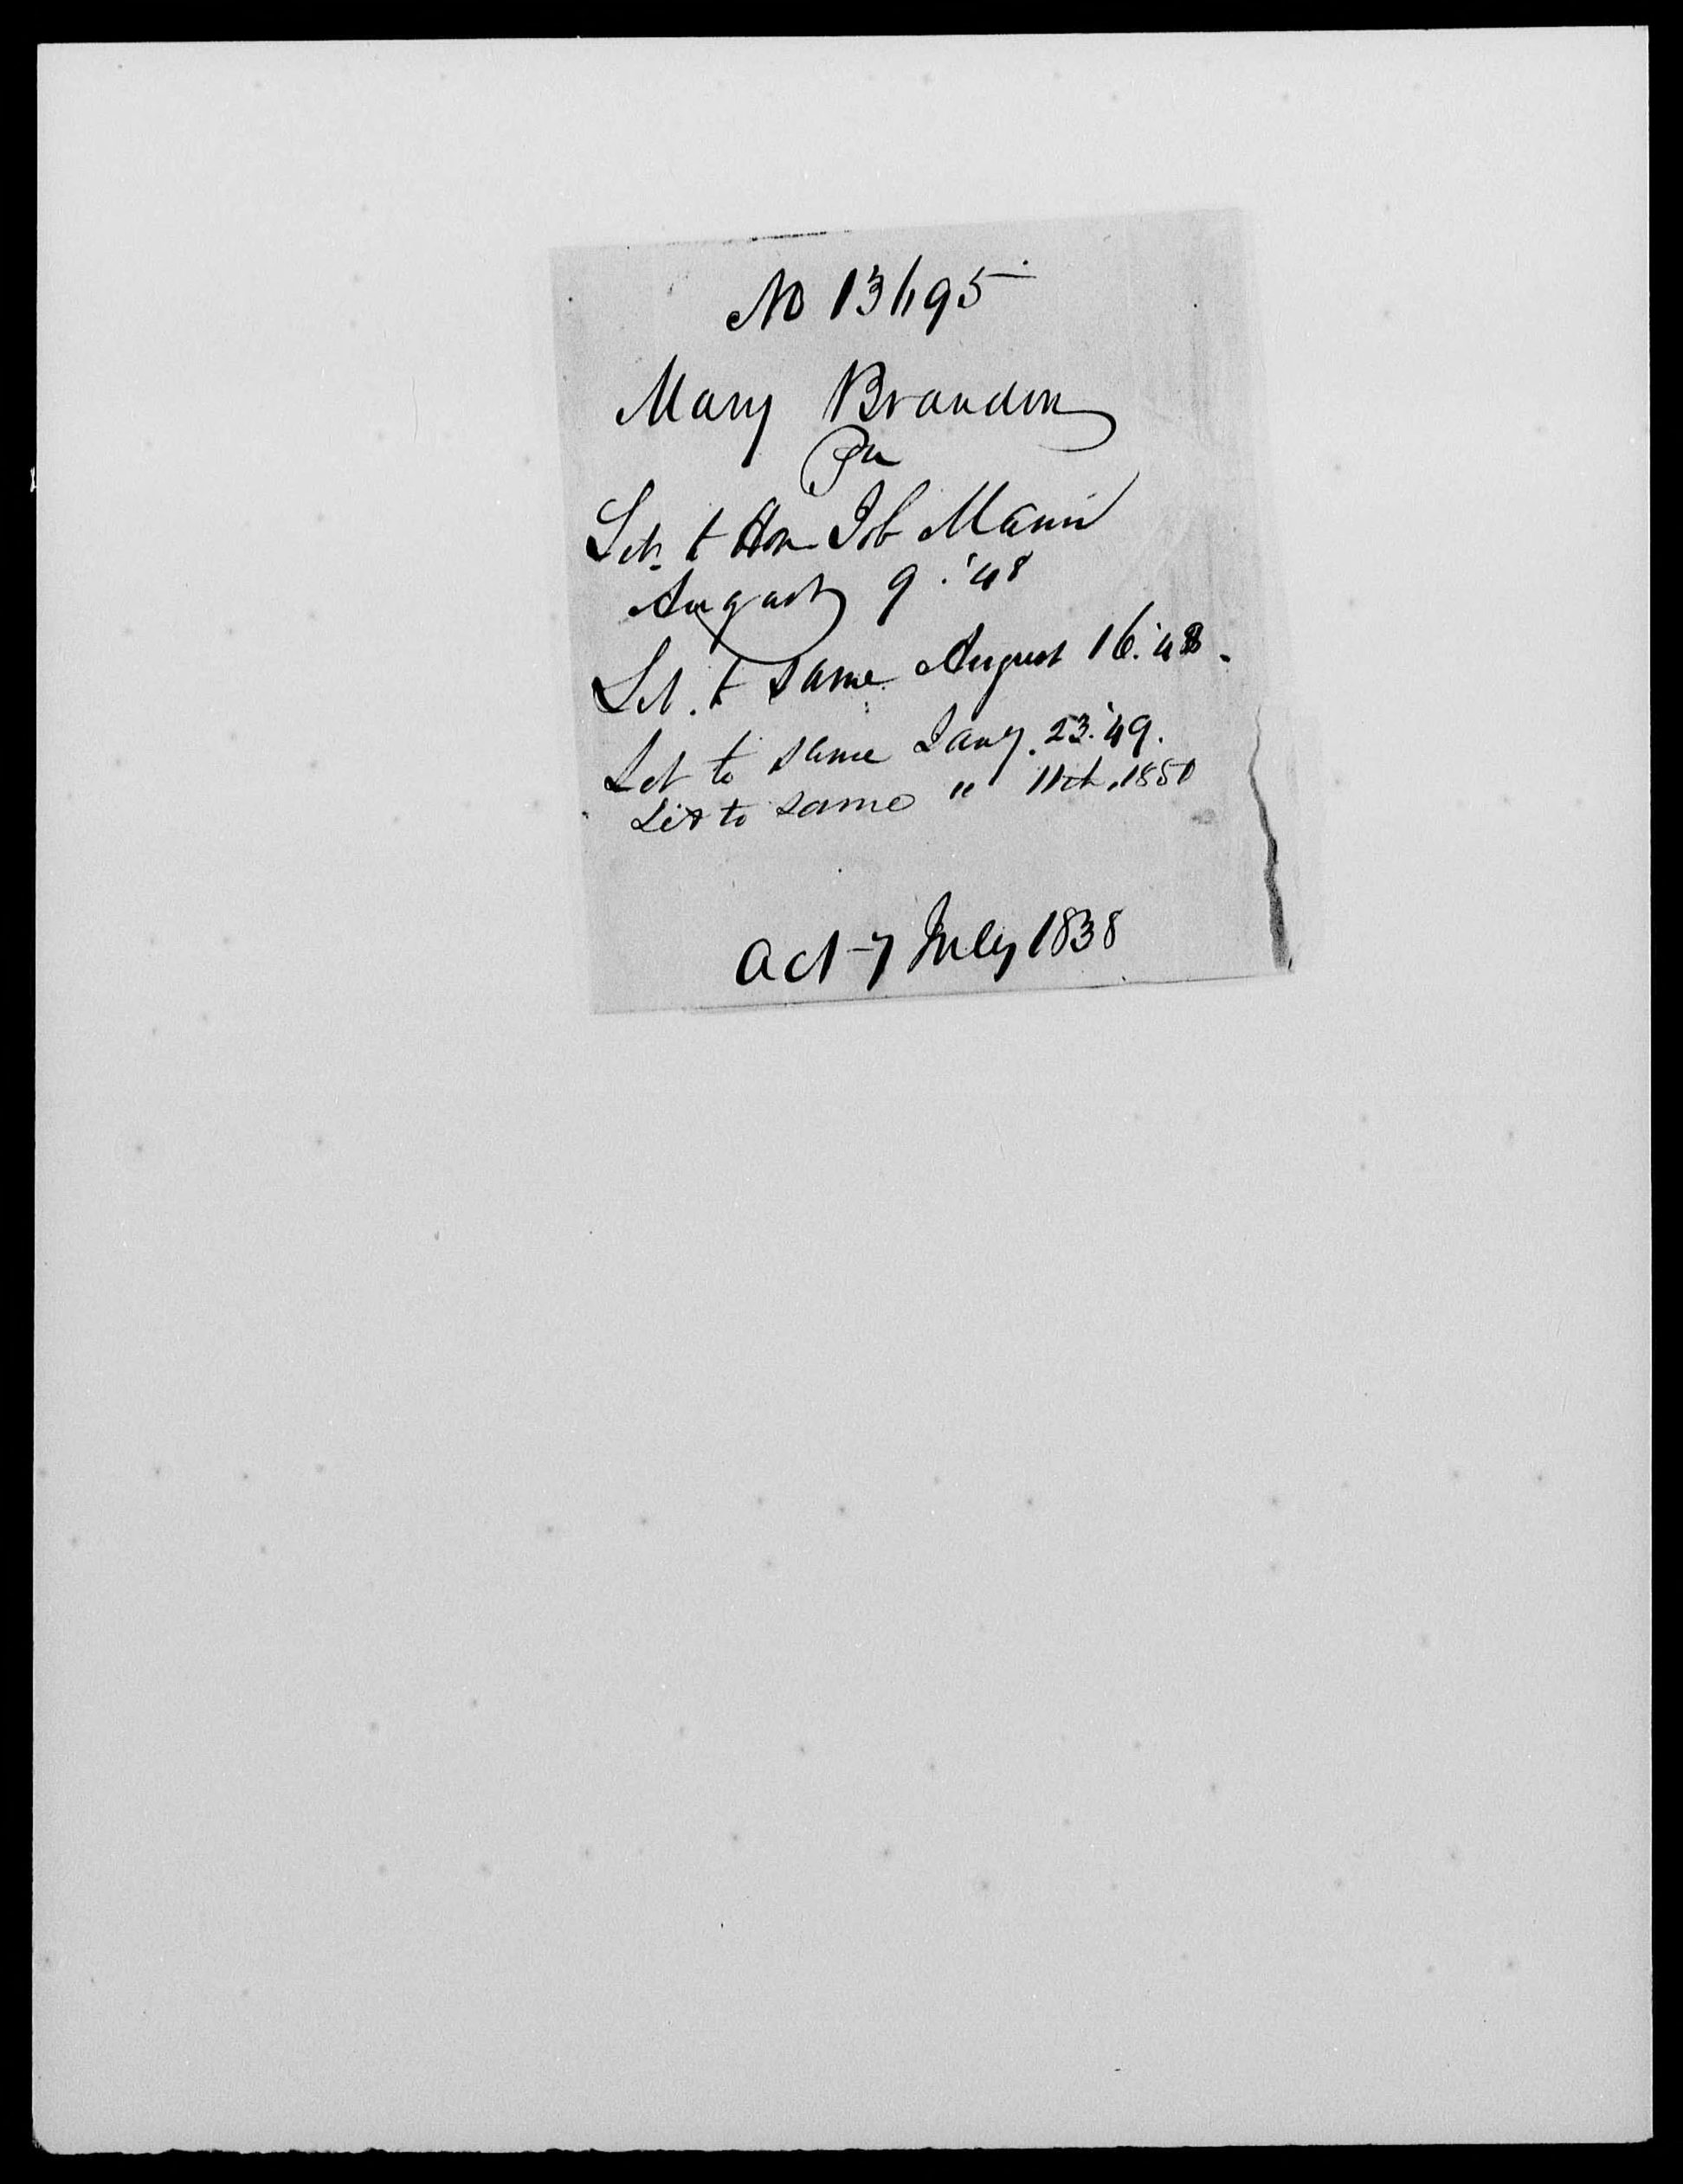No 13695
Mary Brandon
Pa
Let. to Hon Job Mann
August 9, '48
Let. to same August 16, '48.
Let to same Jany 23, '49.
Let to same " 11th, 1850

Act-7 July 1838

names: Mary Brandon, Job Mann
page: 35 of 83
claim: widow's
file: W. 5946, John Brandon, Penn